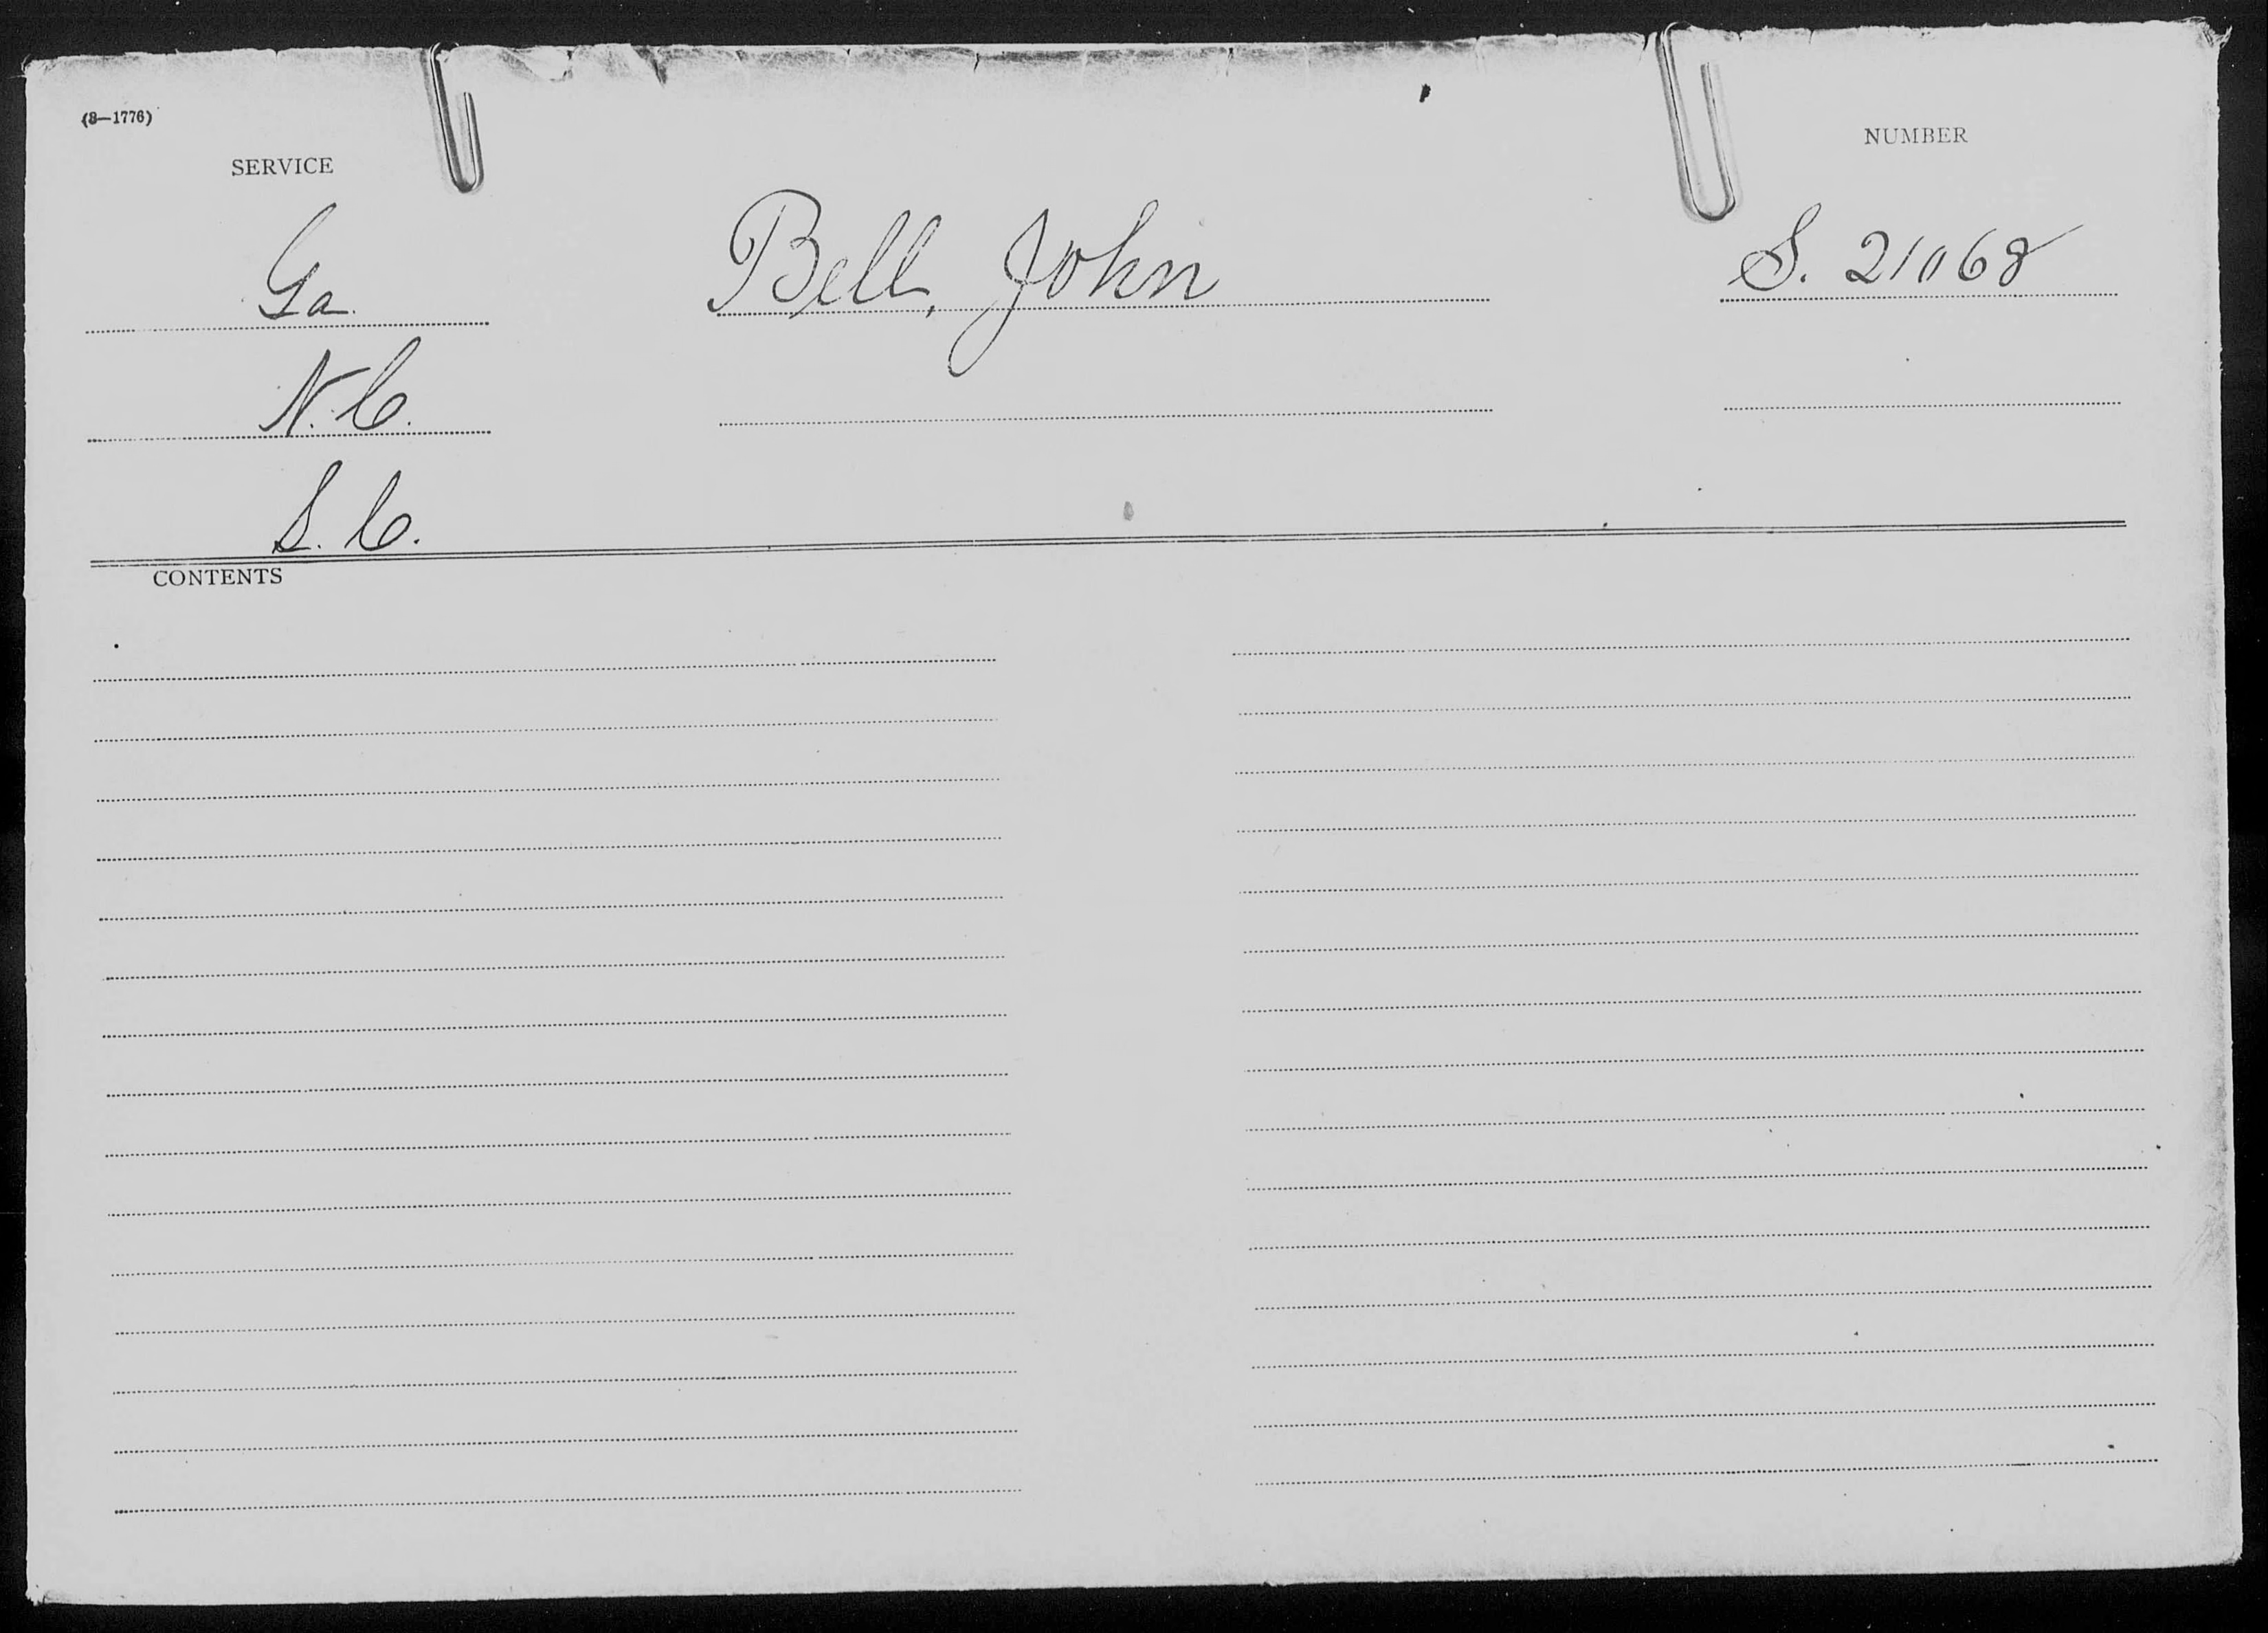( 8 - 1776 ) SERVICE Ga. , N. C. , S. C. Bell, John NUMBER S. 21068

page: 1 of 23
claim: survivor's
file: S. 21068, John Bell, Ga. N. C. S. C.